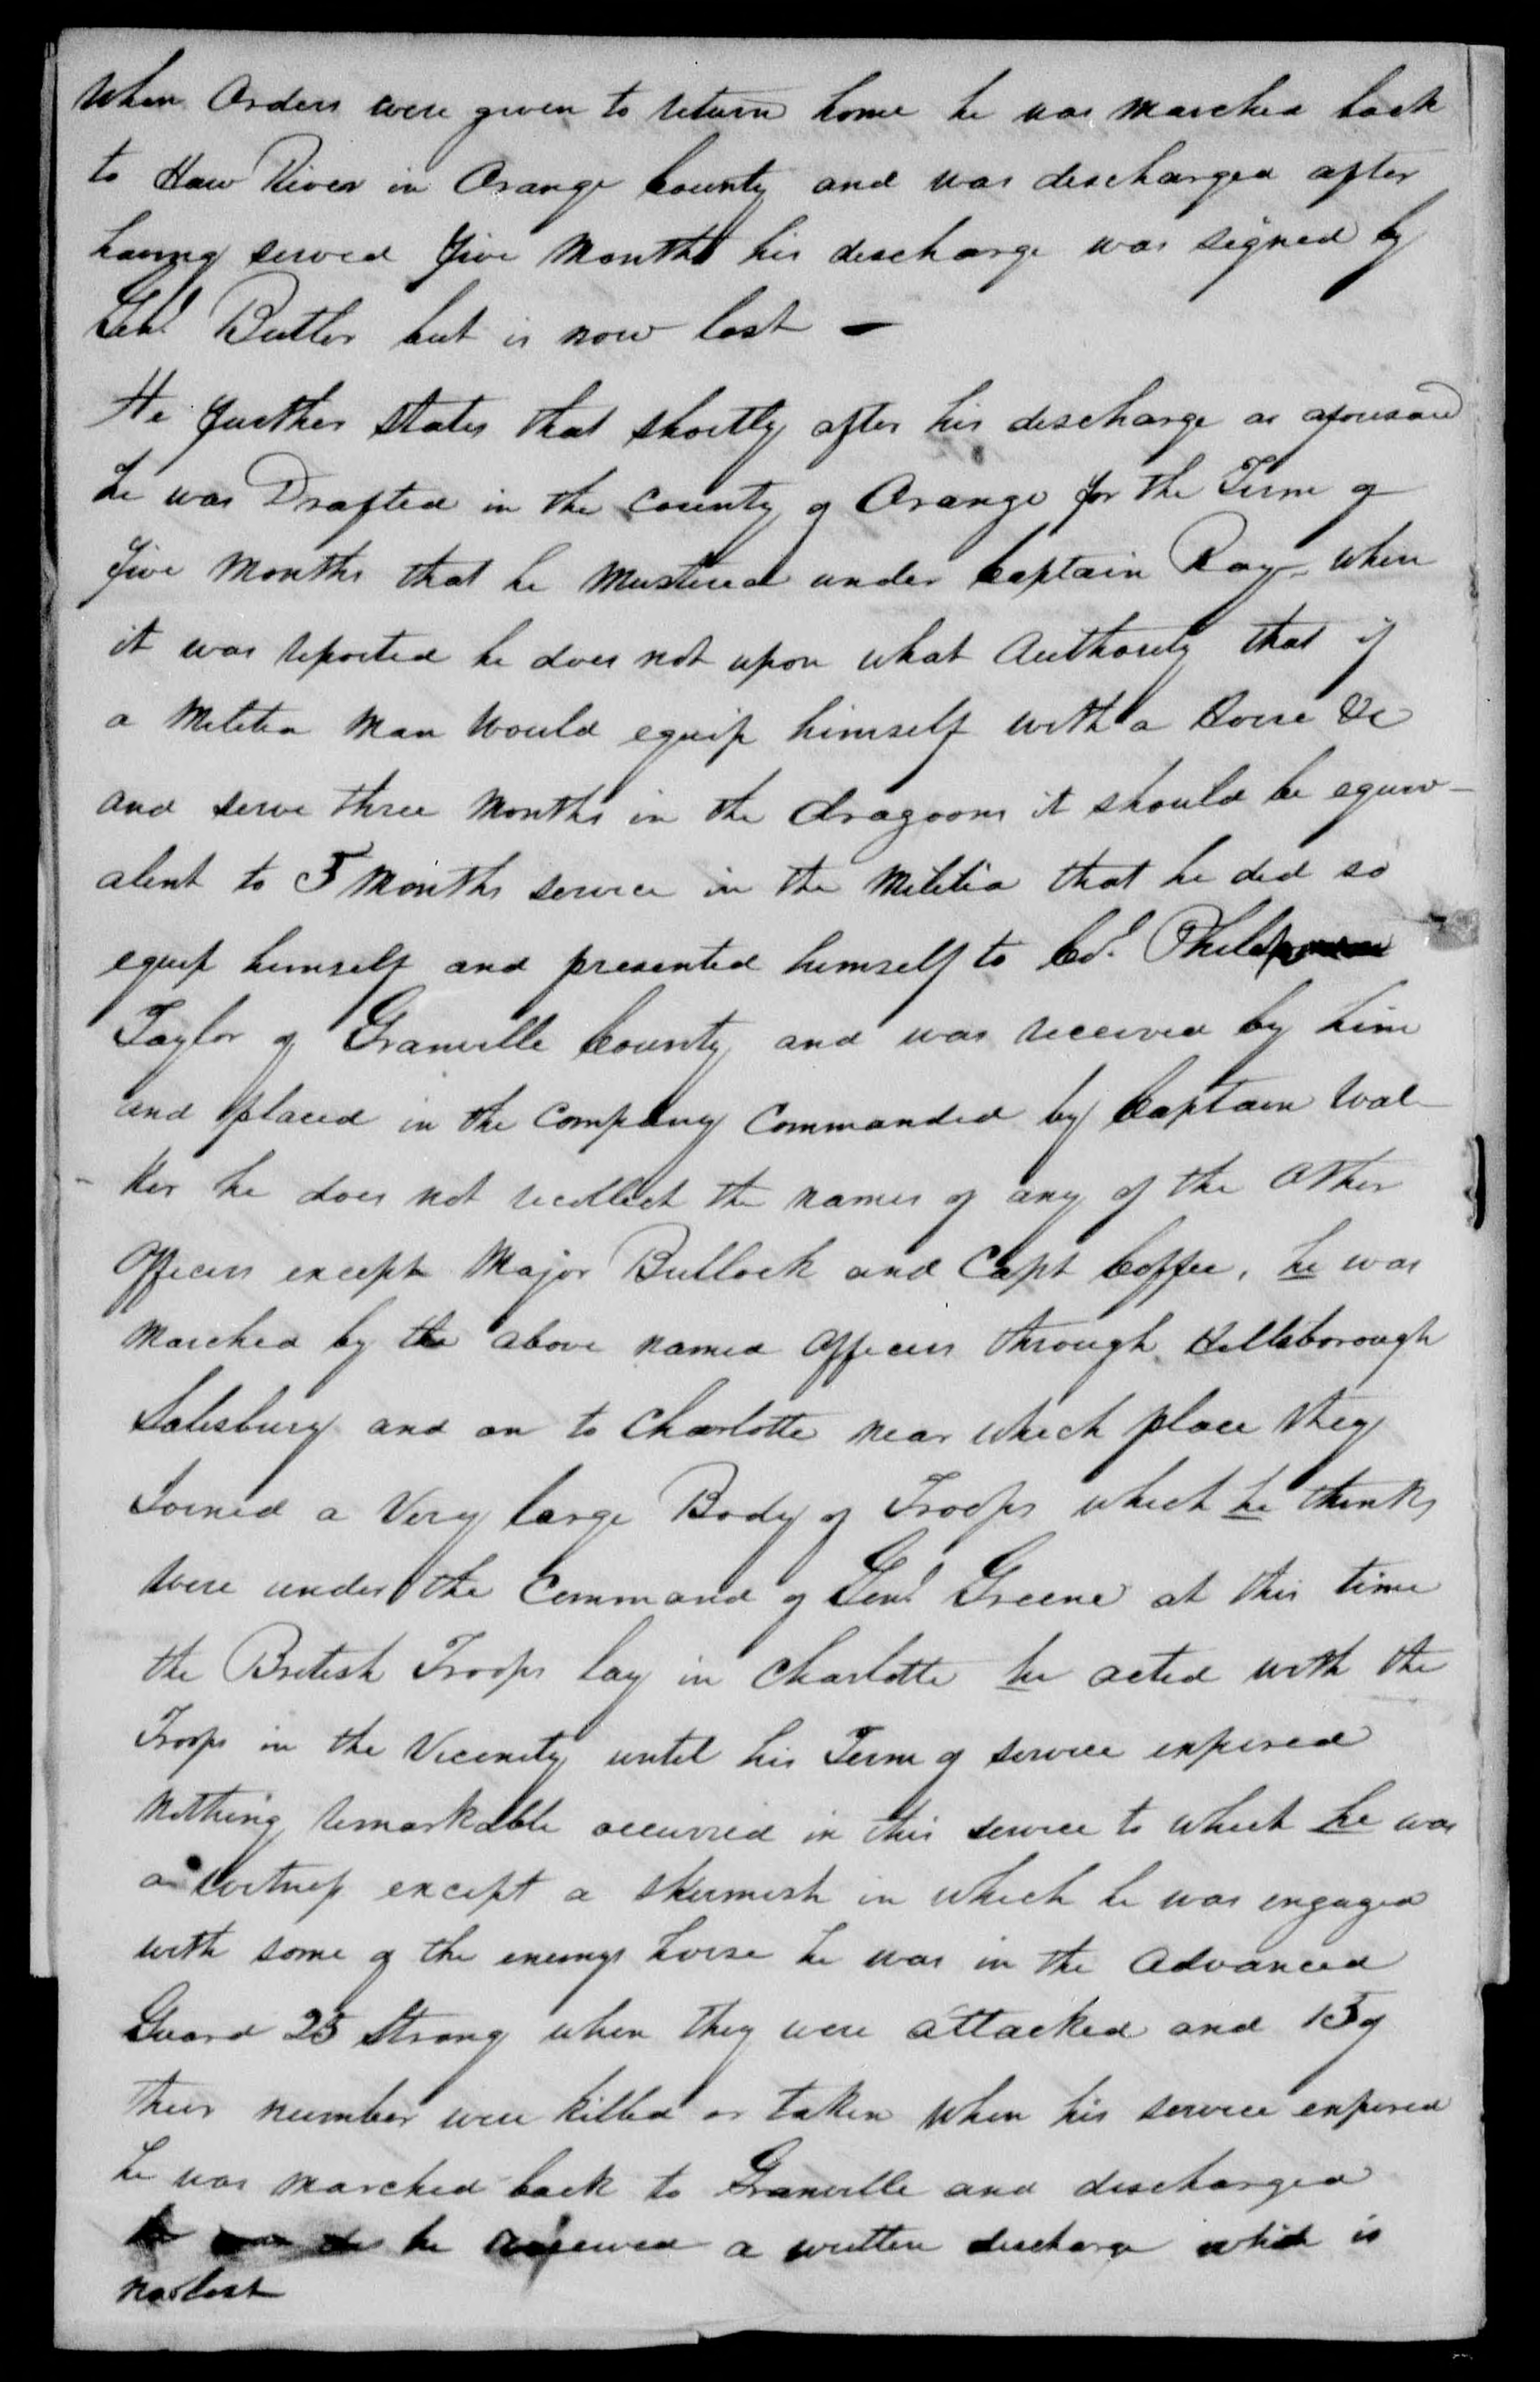when orders were given to return home he was marched back
to Haw River in Orange County and was discharged after
having served five months his discharge was signed by 
Seth Butler but is now lost-
 
He further states that shortly after his discharge as aforesaid
he was Drafted in the County of Orange for the Term of
five months that he mustered under Captain Ray when
it was reported he does not upon what authority that if
a militia man would equip himself with a Horse [illegible]
and serve three months in the dragoons it should be equivalent 
to 3 months service in the Militia that he did so
equip himself and presented himself to Col Philip
Taylor of Granville County and was received by him
and placed in the company commanded by Captain Walker 
he does not recollect the names of any of the other
Officers except Major Bullock and Capt Coffee, he was
marched by the above named Officers through Hillsborough
Salisbury and on to Charlotte near which place they
Joined a very large Body of Troops which he thinks
were under the command of Genl Greene at this time
the British Troops lay in Charlotte he acted with the
Troops in the vicinity until his Term of Service expired
nothing remarkable occurred in this service to which he was
a witness except a skirmish in which he was engaged
with some of the enemy horse he was in the Advanced
Guard 23 Strong when they were attacked and 13 of 
their number were killed or taken when his service expired
he was marched back to Granville and discharged
[illegible] he received a written discharge which is
now lost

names: Greene, Coffee, Walker, Butler, Philip Taylor, Bullock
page: 5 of 16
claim: survivor's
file: S. 8207, James Clark, N.C.